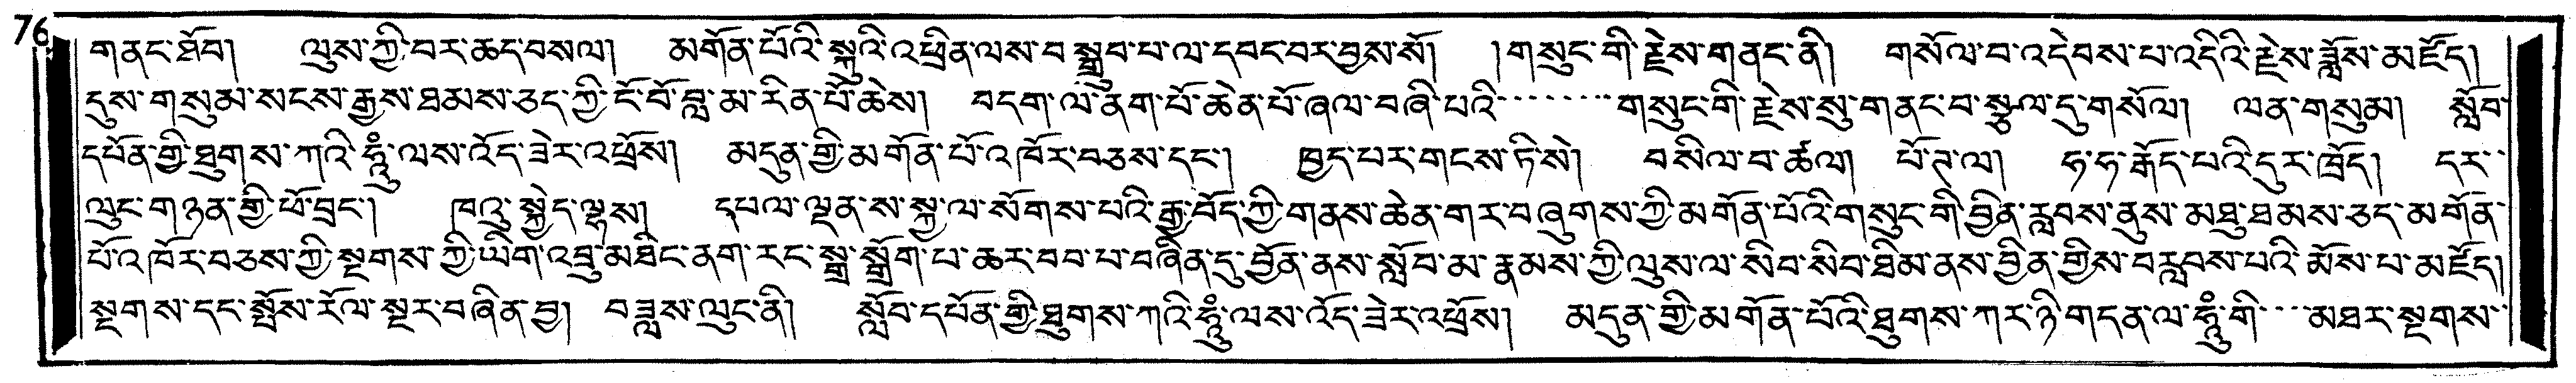གནང་ཐོབ། ལུས་ཀྱི་བར་ཆད་བསལ། མགོན་པོའི་སྐུའི་འཕྲིན་ལས་བསྒྲུབ་པ་ལ་དབང་བར་བྱས་སོ། །གསུང་གི་རྗེས་གནང་ནི། གསོལ་བ་འདེབས་པ་འདིའི་རྗེས་ཟློས་མཛོད།
དུས་གསུམ་སངས་རྒྱས་ཐམས་ཅད་ཀྱི་ངོ་བོ་བླ་མ་རིན་པོ་ཆེས། བདག་ལ་ནག་པོ་ཆེན་པོ་ཞལ་བཞི་པའི་གསུང་གི་རྗེས་སུ་གནང་བ་སྩལ་དུ་གསོལ། ལན་གསུམ། སློབ་
དཔོན་གྱི་ཐུགས་ཀའི་ཧཱུཾ་ལས་འོད་ཟེར་འཕྲོས། མདུན་གྱི་མགོན་པོ་འཁོར་བཅས་དང་། ཁྱད་པར་གངས་ཏི་སེ། བསིལ་བ་ཚལ། པོ་ཊ་ལ། ཧ་ཧ་རྒོད་པའི་དུར་ཁྲོད། དར་
ལུང་གཉན་གྱི་ཕོ་བྲང་། ཁའུ་སྐྱེད་ལྷས། དཔལ་ལྡན་ས་སྐྱ་ལ་སོགས་པའི་རྒྱ་བོད་ཀྱི་གནས་ཆེན་གར་བཞུགས་ཀྱི་མགོན་པའི་གསུང་གི་བྱིན་རླབས་ནུས་མཐུ་ཐམས་ཅད་མགོན་
པོ་འཁོར་བཅས་ཀྱི་སྔགས་ཀྱི་ཡིག་འབྲུ་མཐིང་ནག་རང་སྒྲ་སྒྲོག་པ་ཆར་བབ་པ་བཞིན་དུ་བྱོན་ནས་སློབ་མ་རྣམས་ཀྱི་ལུས་ལ་སིབ་སིབ་ཐིམ་ནས་བྱིན་གྱིས་བརླབས་པའི་མོས་པ་མཛོད།
སྔགས་དང་སྤོས་རོལ་སྔར་བཞིན་བྱ། བཟླས་ལུང་ནི། སློབ་དཔོན་གྱི་ཐུགས་ཀའི་ཧཱུཾ་ལས་འོད་ཟེར་འཕྲོས། མདུན་གྱི་མགོན་པོའི་ཐུགས་ཀར་ཉི་གདན་ལ་ཧཱུཾ་གི་མཐར་སྔགས་